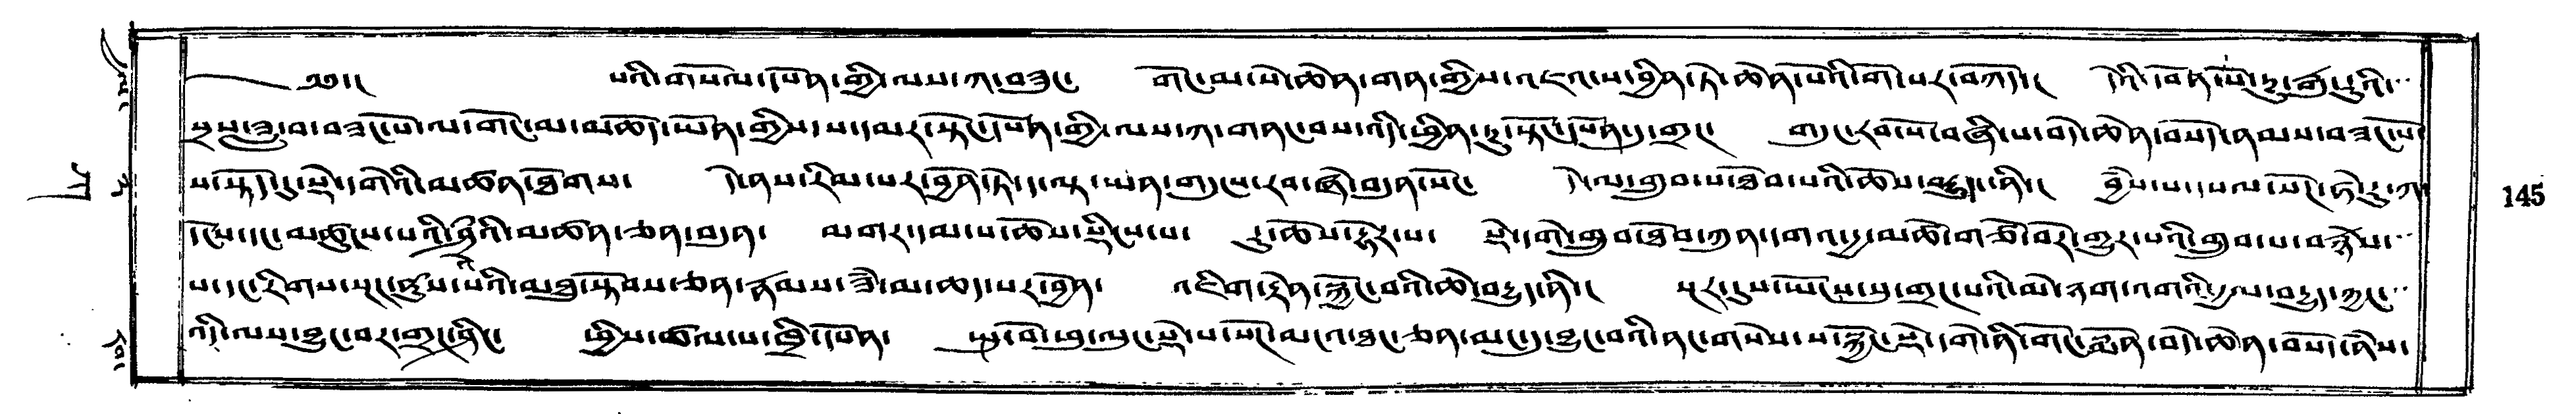པའི་གསོལ་དཔོན་གྱི་ལས་ཀ་བཟུང་། གོང་མ་སེ་ཆེན་གན་གྱིས་འཇའ་ས་བྱིན་ཏེ་ཆེན་པོའི་གོ་སར་བཀོད། དེའི་དབོན་པོ་ཏུ་རྒུ་རུའི་
སྲས་ཟླ་བ་བཟང་པོ་ལ་གོང་མ་མཆོད་ཡོན་གྱིས་ས་དམར་སྟོང་དཔོན་གྱི་ལས་ཀ་གནང་བས་འདི་ཕྱིན་ཏུ་སྟོང་དཔོན་དུ་གྲགས། གདུང་རབས་སོ་བཞི་པ་བདེ་ཆེན་བསོད་ནམས་བཟང་པོ་
ས་སྟོད་དུ་སྡེ་དགེའི་མཚན་ཐོགས། དེ་ནས་རིམ་པར་བྱོན་ཏེ་ད་ལྟ་ཡན་གདུང་རབས་ཞེ་བདུན་སོང་། དེ་ལ་གྲུབ་པ་ཐོབ་པའི་ཆོས་བརྒྱུད་ནི། བྱམས་པ་དཔལ་སོགས་ཧེ་རུ་ཀ་
དངོས་དང་མཚུངས་པའི་ཤྲཱིའི་མཚན་ཅན་བདུན། མགར་དམ་པ་ཆོས་སྡིངས་པ། རུ་ཆོས་རྡོར་པ། སྡེ་དགེ་གྲུབ་ཐོབ་ཀུན་དགའ་རྒྱ་མཚོ་གཙོ་བོར་གྱུར་པའི་གྲུབ་པ་བརྙེས་
པ་དང་རིགས་སྔགས་ནུས་པའི་མཐུ་སྟོབས་ཅན་རྣམས་ཟམ་མ་ཆད་པར་བྱོན།འཇིག་རྟེན་སྐྱོང་བའི་ཆེ་བརྒྱུད་ནི། སྔར་དུས་ཡོངས་སུ་གྲགས་པའི་མེ་ཉག་གི་རྒྱལ་བརྒྱུད་ཀྱང་
འདི་ལས་བྱུང་བར་གྲགས་ཤིང་། ཕྱིས་ཚལ་པ་ཁྲི་དཔོན། སྤུ་བོ་ཕུ་ལུང་སྡེ་པ་སོགས་མངའ་ཐང་ཅན་མང་དུ་བྱུང་བའི་ནང་གསེས་ས་སྐྱོང་སྡེ་དགེ་ནི་གོང་སྨོས་བདེ་ཆེན་གསོད་ནམས་